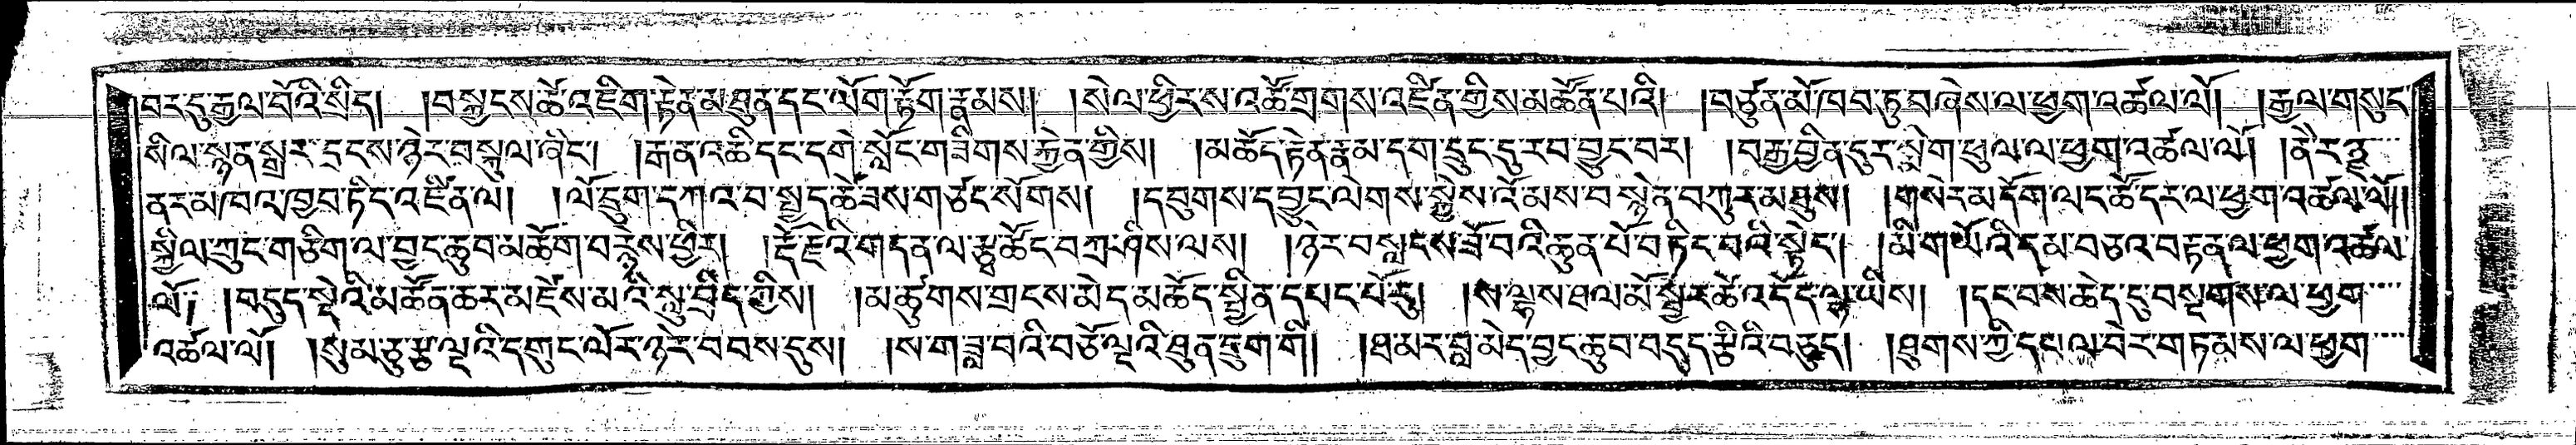བར་དུ་རྒྱལ་པོའི་སྲིད། །བསྐྱངས་ཚེ་འཇིག་རྟེན་མཐུན་དང་ལོག་རྟོག་རྣམས། །སེལ་ཕྱིར་ས་འཚོ་གྲགས་འཛིན་གྱིས་མཚོན་པའི། །བཙུན་མོ་ཁབ་ཏུ་བཞེས་ལ་ཕྱག་འཚལ་ལོ། །རྒྱལ་གསུང་
སིལ་སྙན་སྒྲར་དྲངས་ཉེར་བསྐུལ་ཞིང་། །རྒ་ན་འཆི་དང་དགེ་སློང་གཟིགས་རྐྱེན་གྱིས། །མཆོད་རྟེན་རྣམ་དག་དྲུང་དུ་རབ་བྱུང་བར། །བརྒྱ་བྱིན་དུར་སྨིག་ཕུལ་ལ་ཕྱག་འཚལ་ལོ། །ནཻ་རཉྫ་
ནར་མཁའ་ཁྱབ་ཏིང་འཛིན་ལ། །ལོ་དྲུག་དཀའ་བ་སྤྱད་ཚེ་ཟས་གཙང་སོགས། །དབུགས་དབྱུང་ལེགས་སྐྱེས་འོ་མས་བསྙེན་བཀུར་མཐུས། །གསེར་མདོག་ལང་ཚོ་དར་ལ་ཕྱག་འཚལ་ལོ། །
སྐྱིལ་ཀྲུང་གཅིག་ལ་བྱང་ཆུབ་མཆོག་བརྙེས་ཕྱིར། །རྡོ་རྗེའི་གདན་ལ་རྩྭ་ཚོང་བཀྲ་ཤིས་ལས། །ཉེར་བསླངས་ཟོ་བའི་ཆུན་པོ་བཏིང་བའི་སྟེང་། །མི་གཡོའི་དམ་བཅའ་བརྟན་ལ་ཕྱག་འཚལ་
ལོ༑ །བདུད་སྡེའི་མཚོན་ཆར་མཛེས་མའི་སླུ་བྲིད་ཀྱིས། །མ་ཚུགས་གྲངས་མེད་མཆོད་སྤྱིན་དཔང་པོ་རུ། །ས་ལྷས་ཐལ་མོ་སྦྱར་ཚེ་འདོད་ལྷ་ཡིས། །དང་བས་ཆེད་དུ་བསྔགས་ལ་ཕྱག་
འཚལ་ལོ། །སུམ་ཅུ་རྩ་ལྔའི་དགུང་ལོར་ཉེར་བབས་དུས། །ས་ག་ཟླ་བའི་བཅོ་ལྔའི་ཐུན་དྲུག་གི། །ཐ་མར་བླ་མེད་བྱང་ཆུབ་བདུད་རྩིའི་བཅུད། །ཐུགས་ཀྱི་དཔལ་བེར་གཏམས་ལ་ཕྱག་